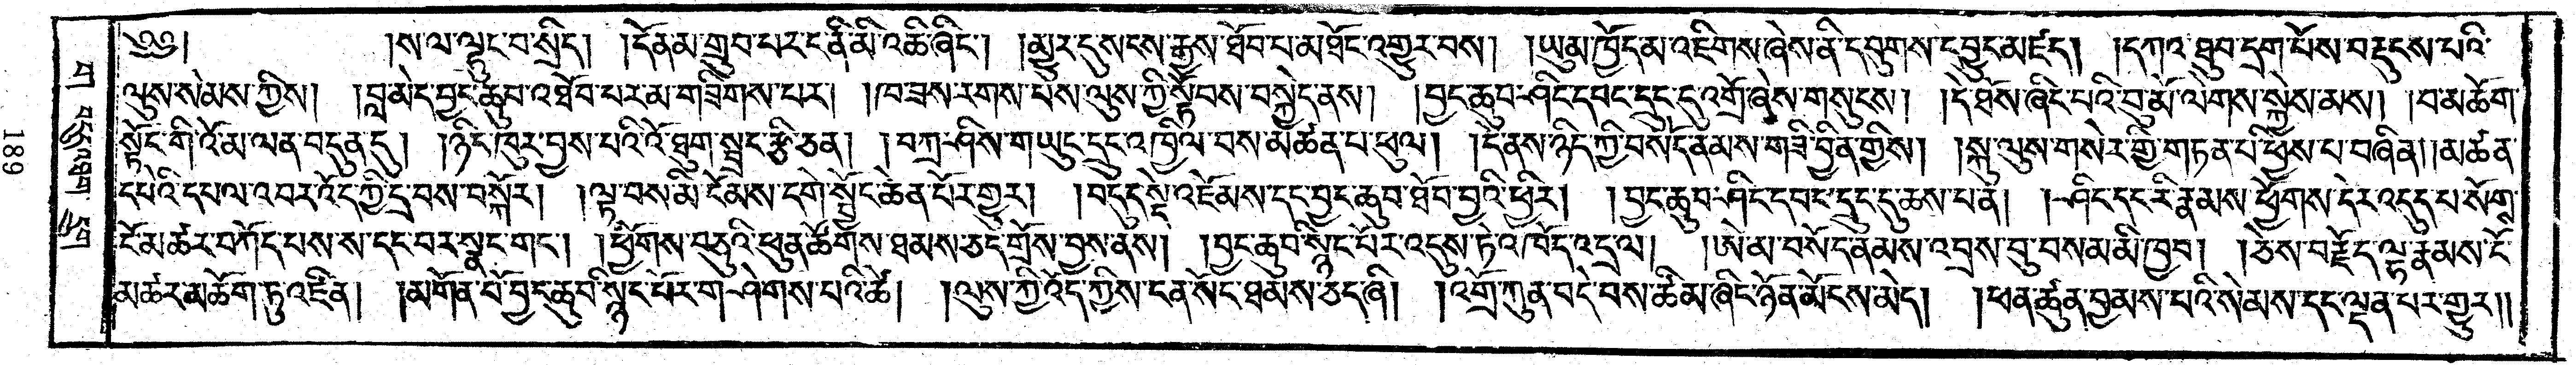༄༅། །ས་ལ་ལྷུང་བ་སྲིད། །དོན་མ་གྲུབ་པར་ང་ནི་མི་འཆི་ཞིང་། །མྱུར་དུ་སངས་རྒྱས་ཐོབ་པ་མཐོང་འགྱུར་བས། །ཡུམ་ཁྱོད་མ་འཇིགས་ཞེས་ནི་དབུགས་དབྱུང་མཛད། །དཀའ་ཐུབ་དྲག་པོས་བརྡུངས་པའི་
ལུས་སེམས་ཀྱིས། །བླ་མེད་བྱང་ཆུབ་འཐོབ་པར་མ་གཟིགས་པར། །ཁ་ཟས་རགས་པས་ལུས་ཀྱི་སྟོབས་བསྐྱེད་ནས། །བྱང་ཆུབ་ཤིང་དབང་དྲུང་དུ་འགྲོ་ཞེས་གསུངས། །དེ་ཐོས་ཞིང་བའི་བུ་མོ་ལེགས་སྐྱེས་མས། །བ་མཆོག་
སྟོང་གི་འོ་མ་ལན་བདུན་དུ། །ཉིང་ཁུར་བྱས་པའི་འོ་ཐུག་སྦྲང་རྩི་ཅན། །བཀྲ་ཤིས་གཡུང་དྲུང་འཁྱིལ་བས་མཚན་པ་ཕུལ། །དེ་ནས་ཉིད་ཀྱི་བསོད་ནམས་གཟི་བྱིན་གྱིས། །སྐུ་ལུས་གསེར་གྱི་གཏན་པ་ཕྱིས་པ་བཞིན། །མཚན་
དཔེའི་དཔལ་འབར་འོད་ཀྱི་དྲ་བས་བསྐོར། །ལྟ་བས་མི་ངོམས་དགེ་སྦྱོང་ཆེན་པོར་གྱུར། །བདུད་སྡེ་འཇོམས་དང་བྱང་ཆུབ་ཐོབ་བྱའི་ཕྱིར། །བྱང་ཆུབ་ཤིང་དབང་དྲུང་དུ་ཆས་པ་ན། །ཤིང་དང་རི་རྣམས་ཕྱོགས་དེར་འདུད་པ་སོགས་
ངོ་མཚར་བཀོད་པས་ས་དང་བར་སྣང་གང་། །ཕྱོགས་བཅུའི་ཕུན་ཚོགས་ཐམས་ཅད་གྲོས་བྱས་ནས། །བྱང་ཆུབ་སྙིང་པོར་འདུས་ཏེ་འཁོད་འདྲ་ལ། །ཨེ་མ་བསོད་ནམས་འབྲས་བུ་བསམ་མི་ཁྱབ། །ཅེས་བརྗོད་ལྷ་རྣམས་ངོ་
མཚར་མཆོག་ཏུ་འཛིན། །མགོན་པོ་བྱང་ཆུབ་སྙིང་པོར་གཤེགས་པའི་ཚེ། །ལུས་ཀྱི་འོད་ཀྱིས་ངན་སོང་ཐམས་ཅད་ཞི། །འགྲོ་ཀུན་བདེ་བས་ཚིམ་ཞིང་ཉོན་མོངས་མེད། །ཕན་ཚུན་བྱམས་པའི་སེམས་དང་ལྡན་པར་གྱུར།།